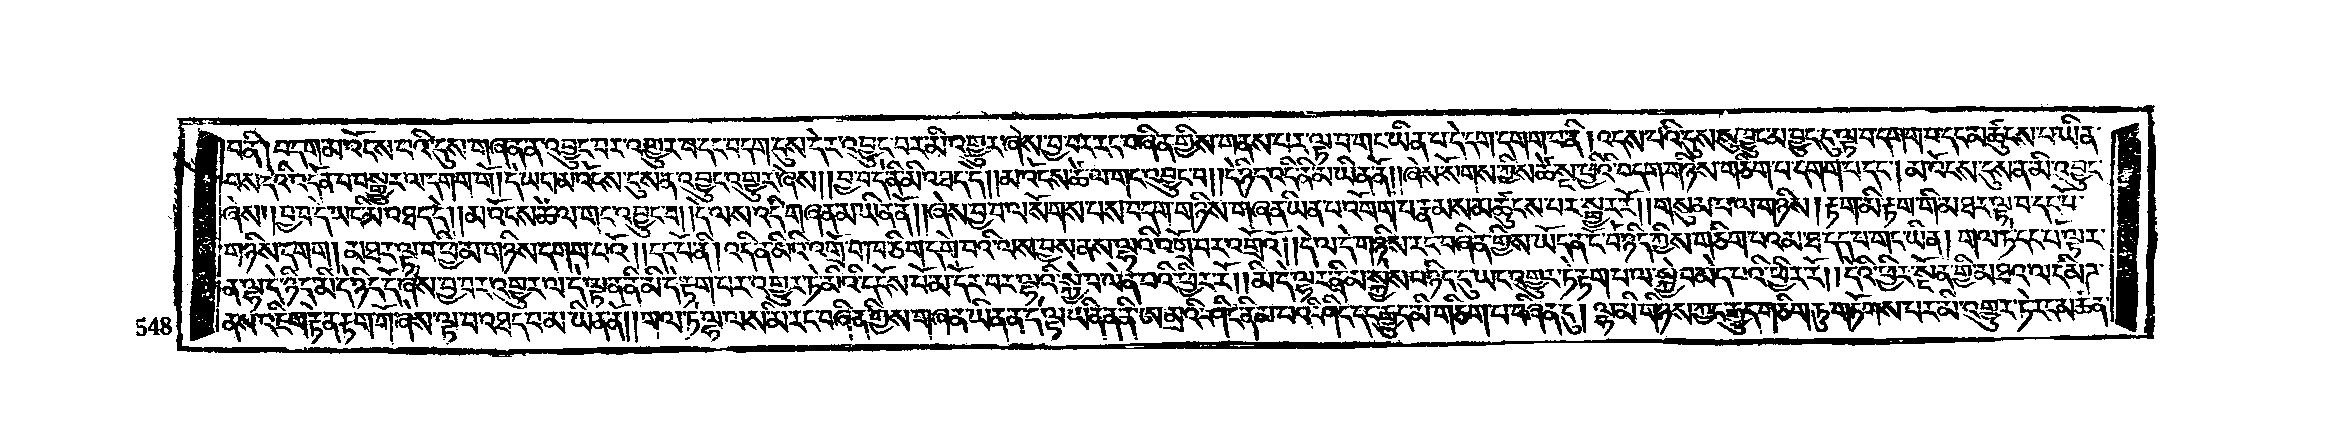པ་ནི། བདག་མ་འོངས་པའི་དུས་གཞན་ན་འབྱུང་བར་འགྱུར་བ་དང་བདག་དུས་དེར་འབྱུང་བར་མི་འགྱུར་ཞེས་བྱ་བར་རང་བཞིན་གྱིས་གནས་པར་ལྟ་བ་གང་ཡིན་པ་དེ་དག་དགག་པ་ནི། འདས་པའི་དུས་སུ་བྱུང་མ་བྱུང་དུ་ལྟ་བ་དགག་པ་དང་མཚུངས་པ་ཡིན་
པས་དེའི་འདོན་པ་བསྒྱུར་ལ་དགག་གོ །དེ་ཡང་། མ་འོངས་དུས་ན་འབྱུང་འགྱུར་ཞེས། །བྱ་བ་དེ་ནི་མི་འཐད་དེ། །མ་འོངས་ཚེ་ལ་གང་འབྱུང་བ། །དེ་ཉིད་འདི་ནི་མ་ཡིན་ནོ། །ཞེས་སོགས་ཀྱིས་ཚེ་སྔ་ཕྱིའི་བདག་གཉིས་གཅིག་པ་དགག་པ་དང་། མ་འོངས་དུས་ན་མི་འབྱུང་
ཞེས༑ །བྱ་བ་དེ་ཡང་མི་འཐད་དེ། །མ་འོངས་ཚེ་ལ་གང་འབྱུང་བ། །དེ་ལས་འདི་གཞན་མ་ཡིན་ནོ། །ཞེས་བྱ་བ་ལ་སོགས་པས་བདག་གཉིས་གཞན་ཡིན་པ་འགོག་པ་རྣམས་མཚུངས་པར་སྦྱར་རོ། །གསུམ་པ་ལ་གཉིས། རྟག་མི་རྟག་གི་མཐར་ལྟ་བ་དང་པོ་
གཉིས་དགག ། མཐར་ལྟ་བ་ཕྱི་མ་གཉིས་དགག་པའོ། །དང་པོ་ནི། འདི་ན་མིའི་འགྲོ་བ་ཁ་ཅིག་དགེ་བའི་ལས་བྱས་ནས་ལྷའི་འགྲོ་བར་འགྲོའོ། །དེ་ལ་དེ་གཉིས་རང་བཞིན་གྱིས་ཡོད་ན་ངོ་བོ་ཉིད་ཀྱིས་གཅིག་པའམ་ཐ་དད་པ་གང་ཡིན། གལ་ཏེ་དང་པོ་ལྟར་
ན་ལྷ་དེ་ཉིད་མི་དེ་ཉིད་དོ་ཞེས་བྱ་བར་འགྱུར་ལ་དེ་ལྟ་ན་ནི་མི་དེ་རྟག་པར་འགྱུར་ཏེ་མིའི་དངོས་པོ་མ་དོར་བར་ལྷའི་སྐྱེ་བ་ལེན་པའི་ཕྱིར་རོ། །མི་དེ་ལྟར་ནི་མ་སྐྱེས་པ་ཉིད་དུ་ཡང་འགྱུར་ཏེ་རྟག་པ་ལ་སྐྱེ་བ་མེད་པའི་ཕྱིར་རོ། །དེའི་ཕྱིར་སྔོན་གྱི་མཐའ་ལ་དམིཌ་
ནས་འཇིག་རྟེན་རྟག་གོ་ཞེས་ལྟ་བ་འཐད་པ་མ་ཡིན་ནོ། །གལ་ཏེ་ལྷ་ལས་མི་རང་བཞིན་གཉིས་གཞན་ཡིན་ན་དེ་ལྟ་ཡིན་ན་ནི་ཨཅ་མྲའི་ཤིང་མིན་པའི་ཤིང་དང་རྒྱུད་མི་གཅིག་པ་བཞིན་དུ། ལྷ་མི་གཉིས་ཀྱང་རྒྱུད་གཅིག་ཏུ་གཏོགས་པར་མི་འགྱུར་ཏེ་རང་མཚན་